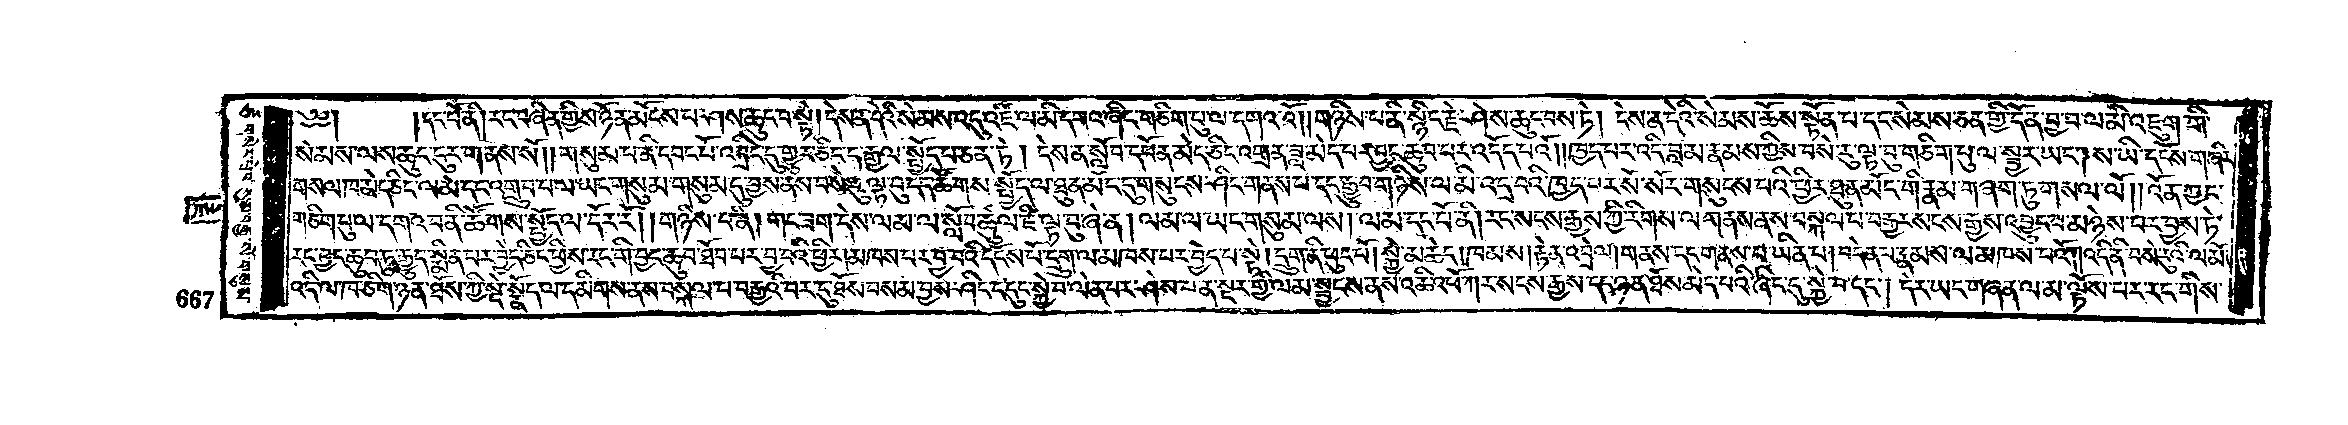༄༅། །དང་པོ་ནི། རང་བཞིན་གྱིས་ཉོན་མོངས་པ་ཤས་ཆུང་བ་སྟེ། དེས་ན་དེའི་སེམས་འདུ་འཛི་ལ་མི་དགའ་ཞིང་གཅིག་པུ་ལ་དགའ་འོ། །གཉིས་པ་ནི་སྙིང་རྗེ་ཤས་ཆུང་བས་ཏེ། དེས་ན་དེའི་སེམས་ཆོས་སྟོན་པ་དང་སེམས་ཅན་གྱི་དོན་བྱ་བ་ལ་མི་འཇུག་གི་
སེམས་ལས་ཆུང་ངུར་གནས་སོ། །གསུམ་པ་ནི་དབང་པོ་འབྲིང་དུ་གྱུར་ཅིང་ང་རྒྱལ་སྤྱོད་པ་ཅན་ཏེ། དེས་ན་སློབ་དཔོན་མེད་ཅིང་འགྲེན་ཟླ་མེད་པར་བྱང་ཆུབ་པར་འདོད་པའོ། །ཁྱད་པར་འདི་བླ་མ་རྣམས་ཀྱིས་བསེ་རུ་ལྟ་བུ་གཅིག་པུ་ལ་སྦྱར་ཡང་། ས་ཡི་དངོས་གཞིར་
གསལ་ཁ་མེད་ཅིང་ལམ་དང་འགྲུབ་པ་ལ་ཡང་གསུམ་གསུམ་དུ་བྱས་ནས་བསེ་རུ་ལྟ་བུ་དང་ཚོགས་སྤྱོད་ལ་ཐུན་མོང་དུ་གསུངས་ཤིང་གནས་པ་དང་རྒྱུ་བ་གཉིས་ལ་མི་འདྲ་བའི་ཁྱད་པར་སོ་སོར་གསུངས་པའི་ཕྱིར་ཐུན་མོང་གི་རྣམ་གཞག་ཏུ་གསལ་ལོ། །འོན་ཀྱང་
གཅིག་པུ་ལ་དགའ་བ་ནི་ཚོགས་སྤྱོད་པ་དོར་རོ། །གཉིས་པ་ནི། གང་ཟག་དེས་ལམ་ལ་སློབ་ཚུལ་ཇི་ལྟ་བུ་ཞེ་ན། ལམ་ལ་ཡང་གསུམ་ལས། ལམ་དང་པོ་ནི། རང་སངས་རྒྱས་ཀྱི་རིགས་ལ་གནས་ནས་བསྐལ་པ་བརྒྱར་སངས་རྒྱས་འབྱུང་བ་མཉེས་པར་བྱས་ཏེ་
རང་བྱང་ཆུབ་ཏུ་རྒྱུད་སྨིན་པར་བྱེད་ཅིང་ཕྱིས་རང་གི་བྱང་ཆུབ་ཐོབ་པར་བྱ་བའི་ཕྱིར། མཁས་པར་བྱ་བའི་དངོས་པོ་དྲུག་ལ་མཁས་པར་བྱེད་པ་སྟེ། དྲུག་ནི་ཕུང་པོ། སྐྱེ་མཆེད། ཁམས། རྟེན་འབྲེལ། གནས་དང་གནས་མ་ཡིན་པ། བདེན་པ་རྣམས་ལ་མཁས་པའོ། །འདི་ནི་བསེ་རུའི་ལམ་མོ། །
འདི་ལ་ཁ་ཅིག་ཉན་ཐོས་ཀྱི་སྡེ་སྣོད་ལ་དམིགས་ནས་བསྐལ་པ་བརྒྱའི་བར་དུ་ཐོས་བསམ་བྱས་ཤིང་ད་དུང་སྐྱེ་བ་ལེན་པར་ཤེས་པ་ན་སྔར་གྱི་ལམ་སྦྱངས་ནས་འཆི་འཕོ་ཀར་སངས་རྒྱས་དང་ཉན་ཐོས་མེད་པའི་ཞིང་དུ་སྐྱེ་བ་དང་། དེར་ཡང་གཞན་ལ་མ་ལྟོས་པར་རང་གིས་